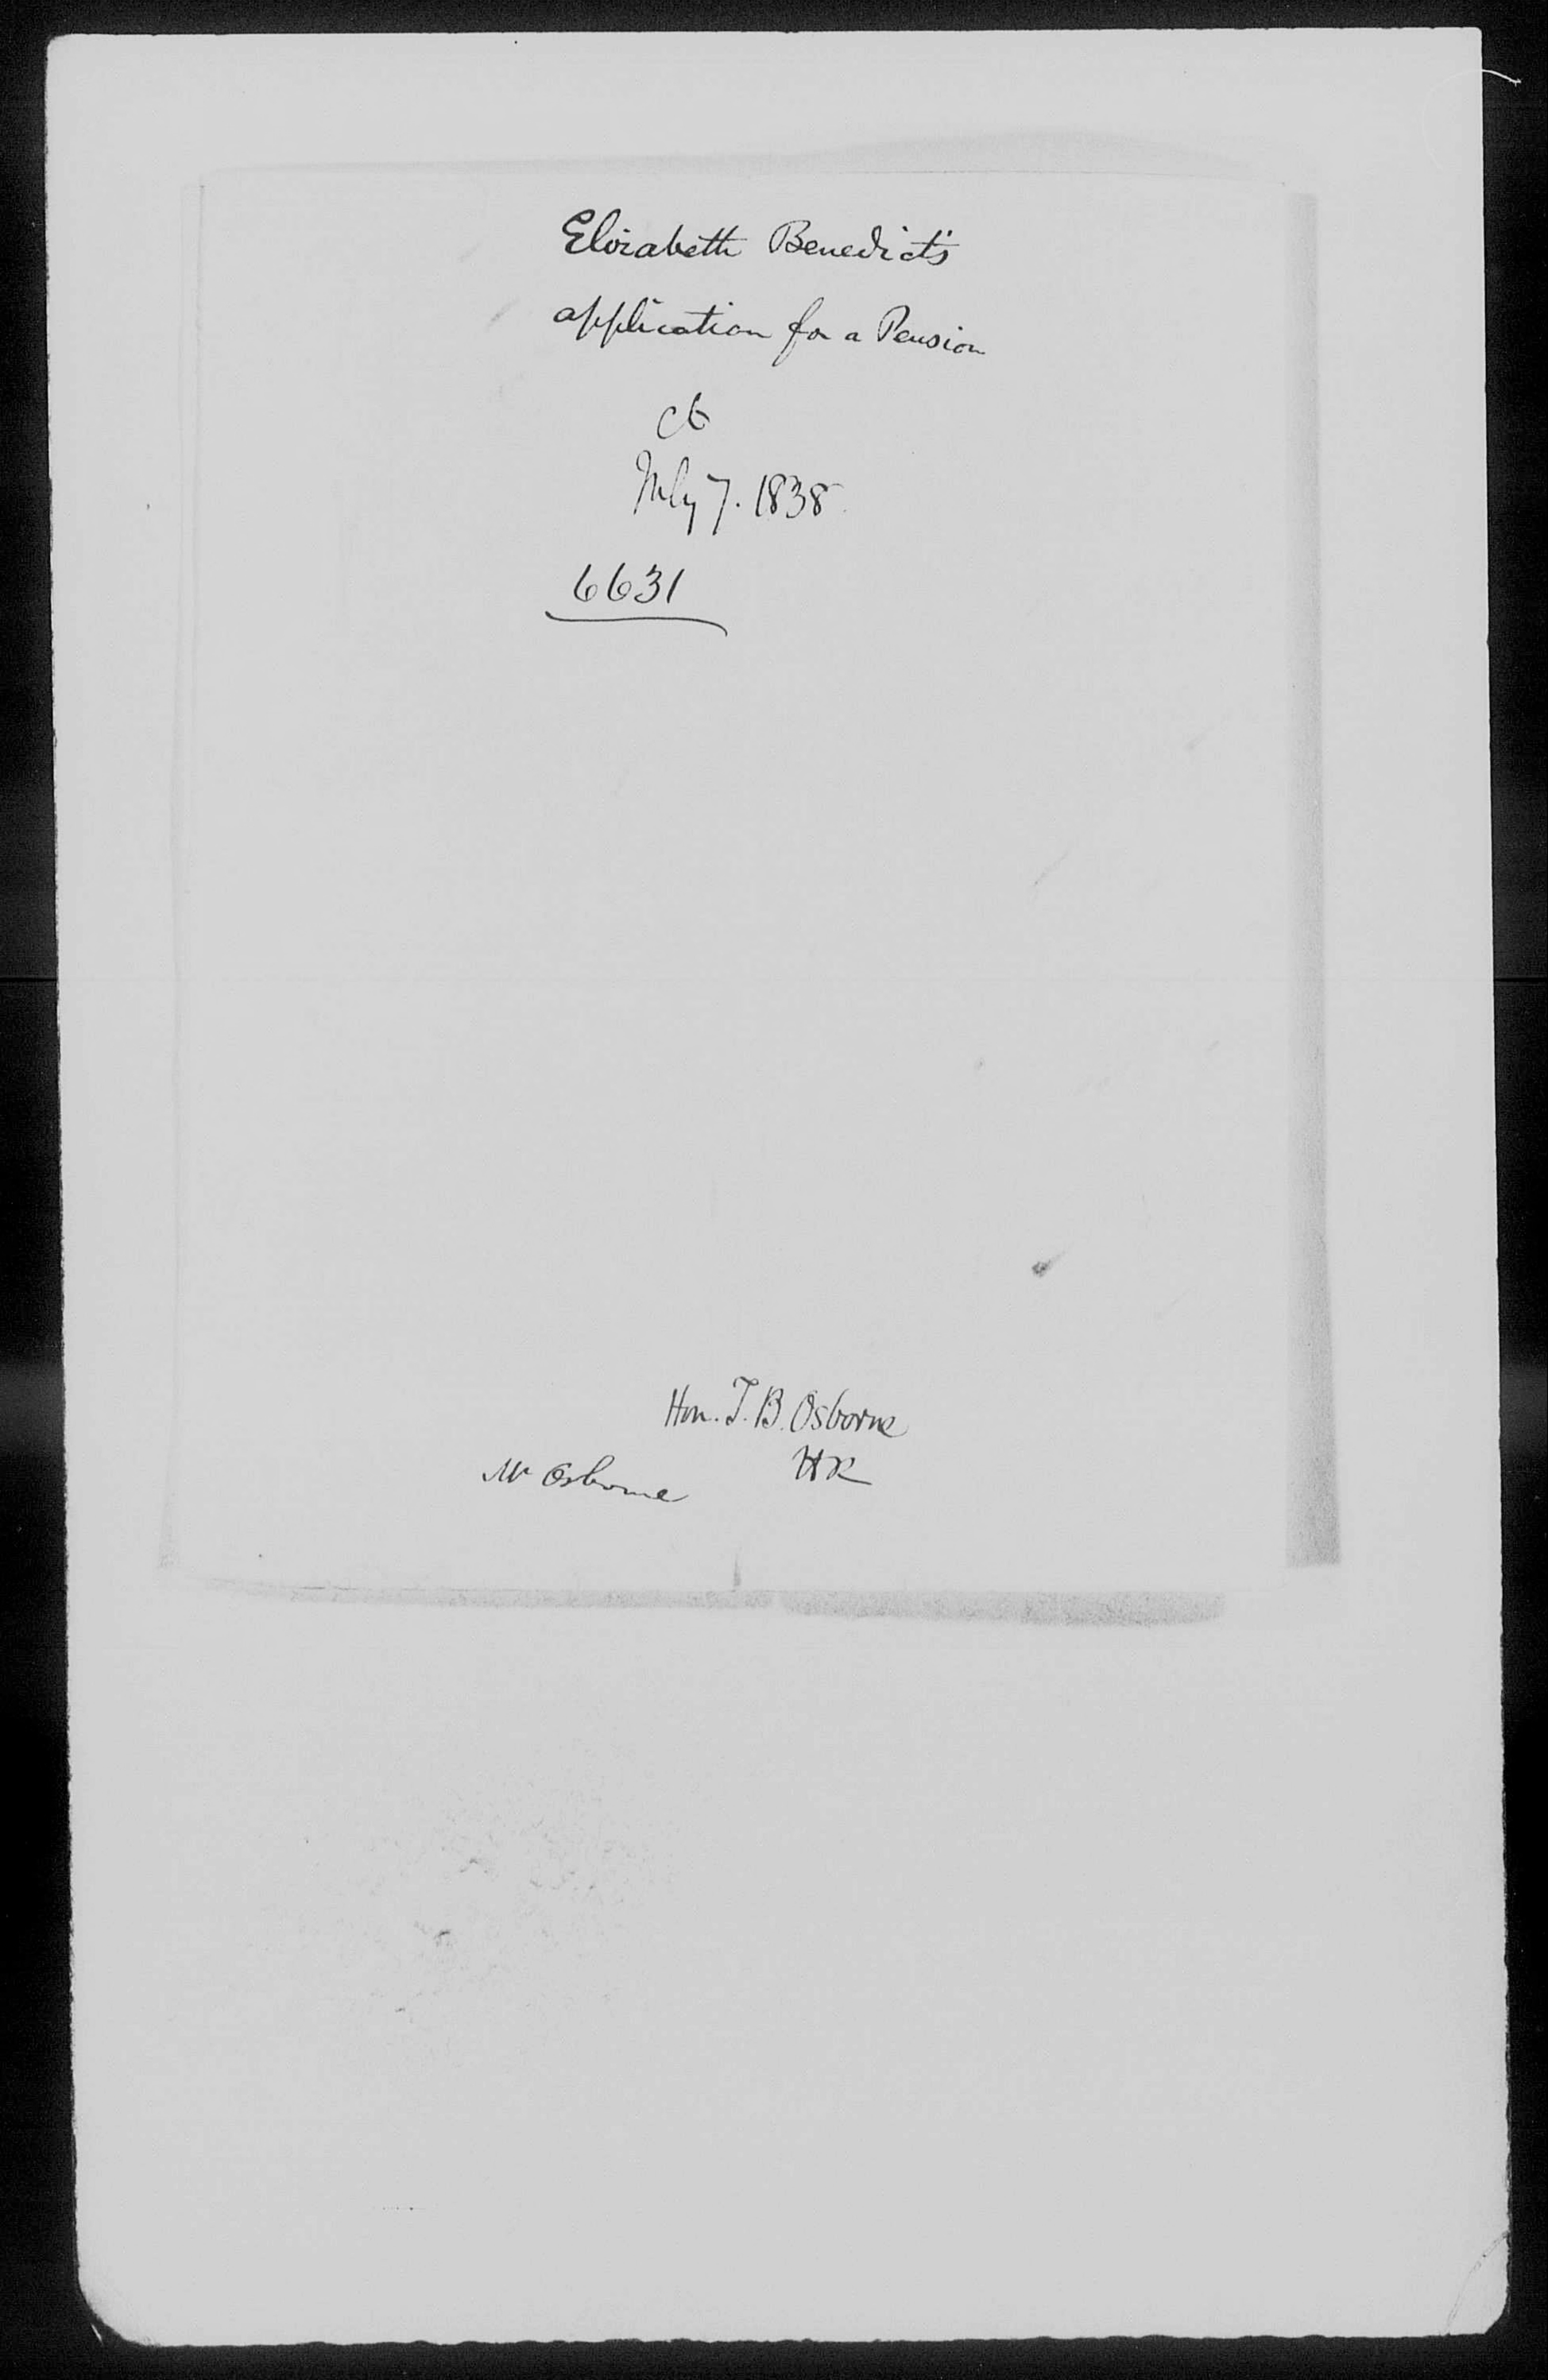Elizabeth Benedict's
application for a Pension

Ct
July 7. 1838
6631



Hon. T. B. Osborne
                          HR
Mr Osborne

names: T B Osborne, Elizabeth Benedict, M Osborne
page: 53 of 56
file: [ILLEGIBLE], Jonah Benedict, Conn.